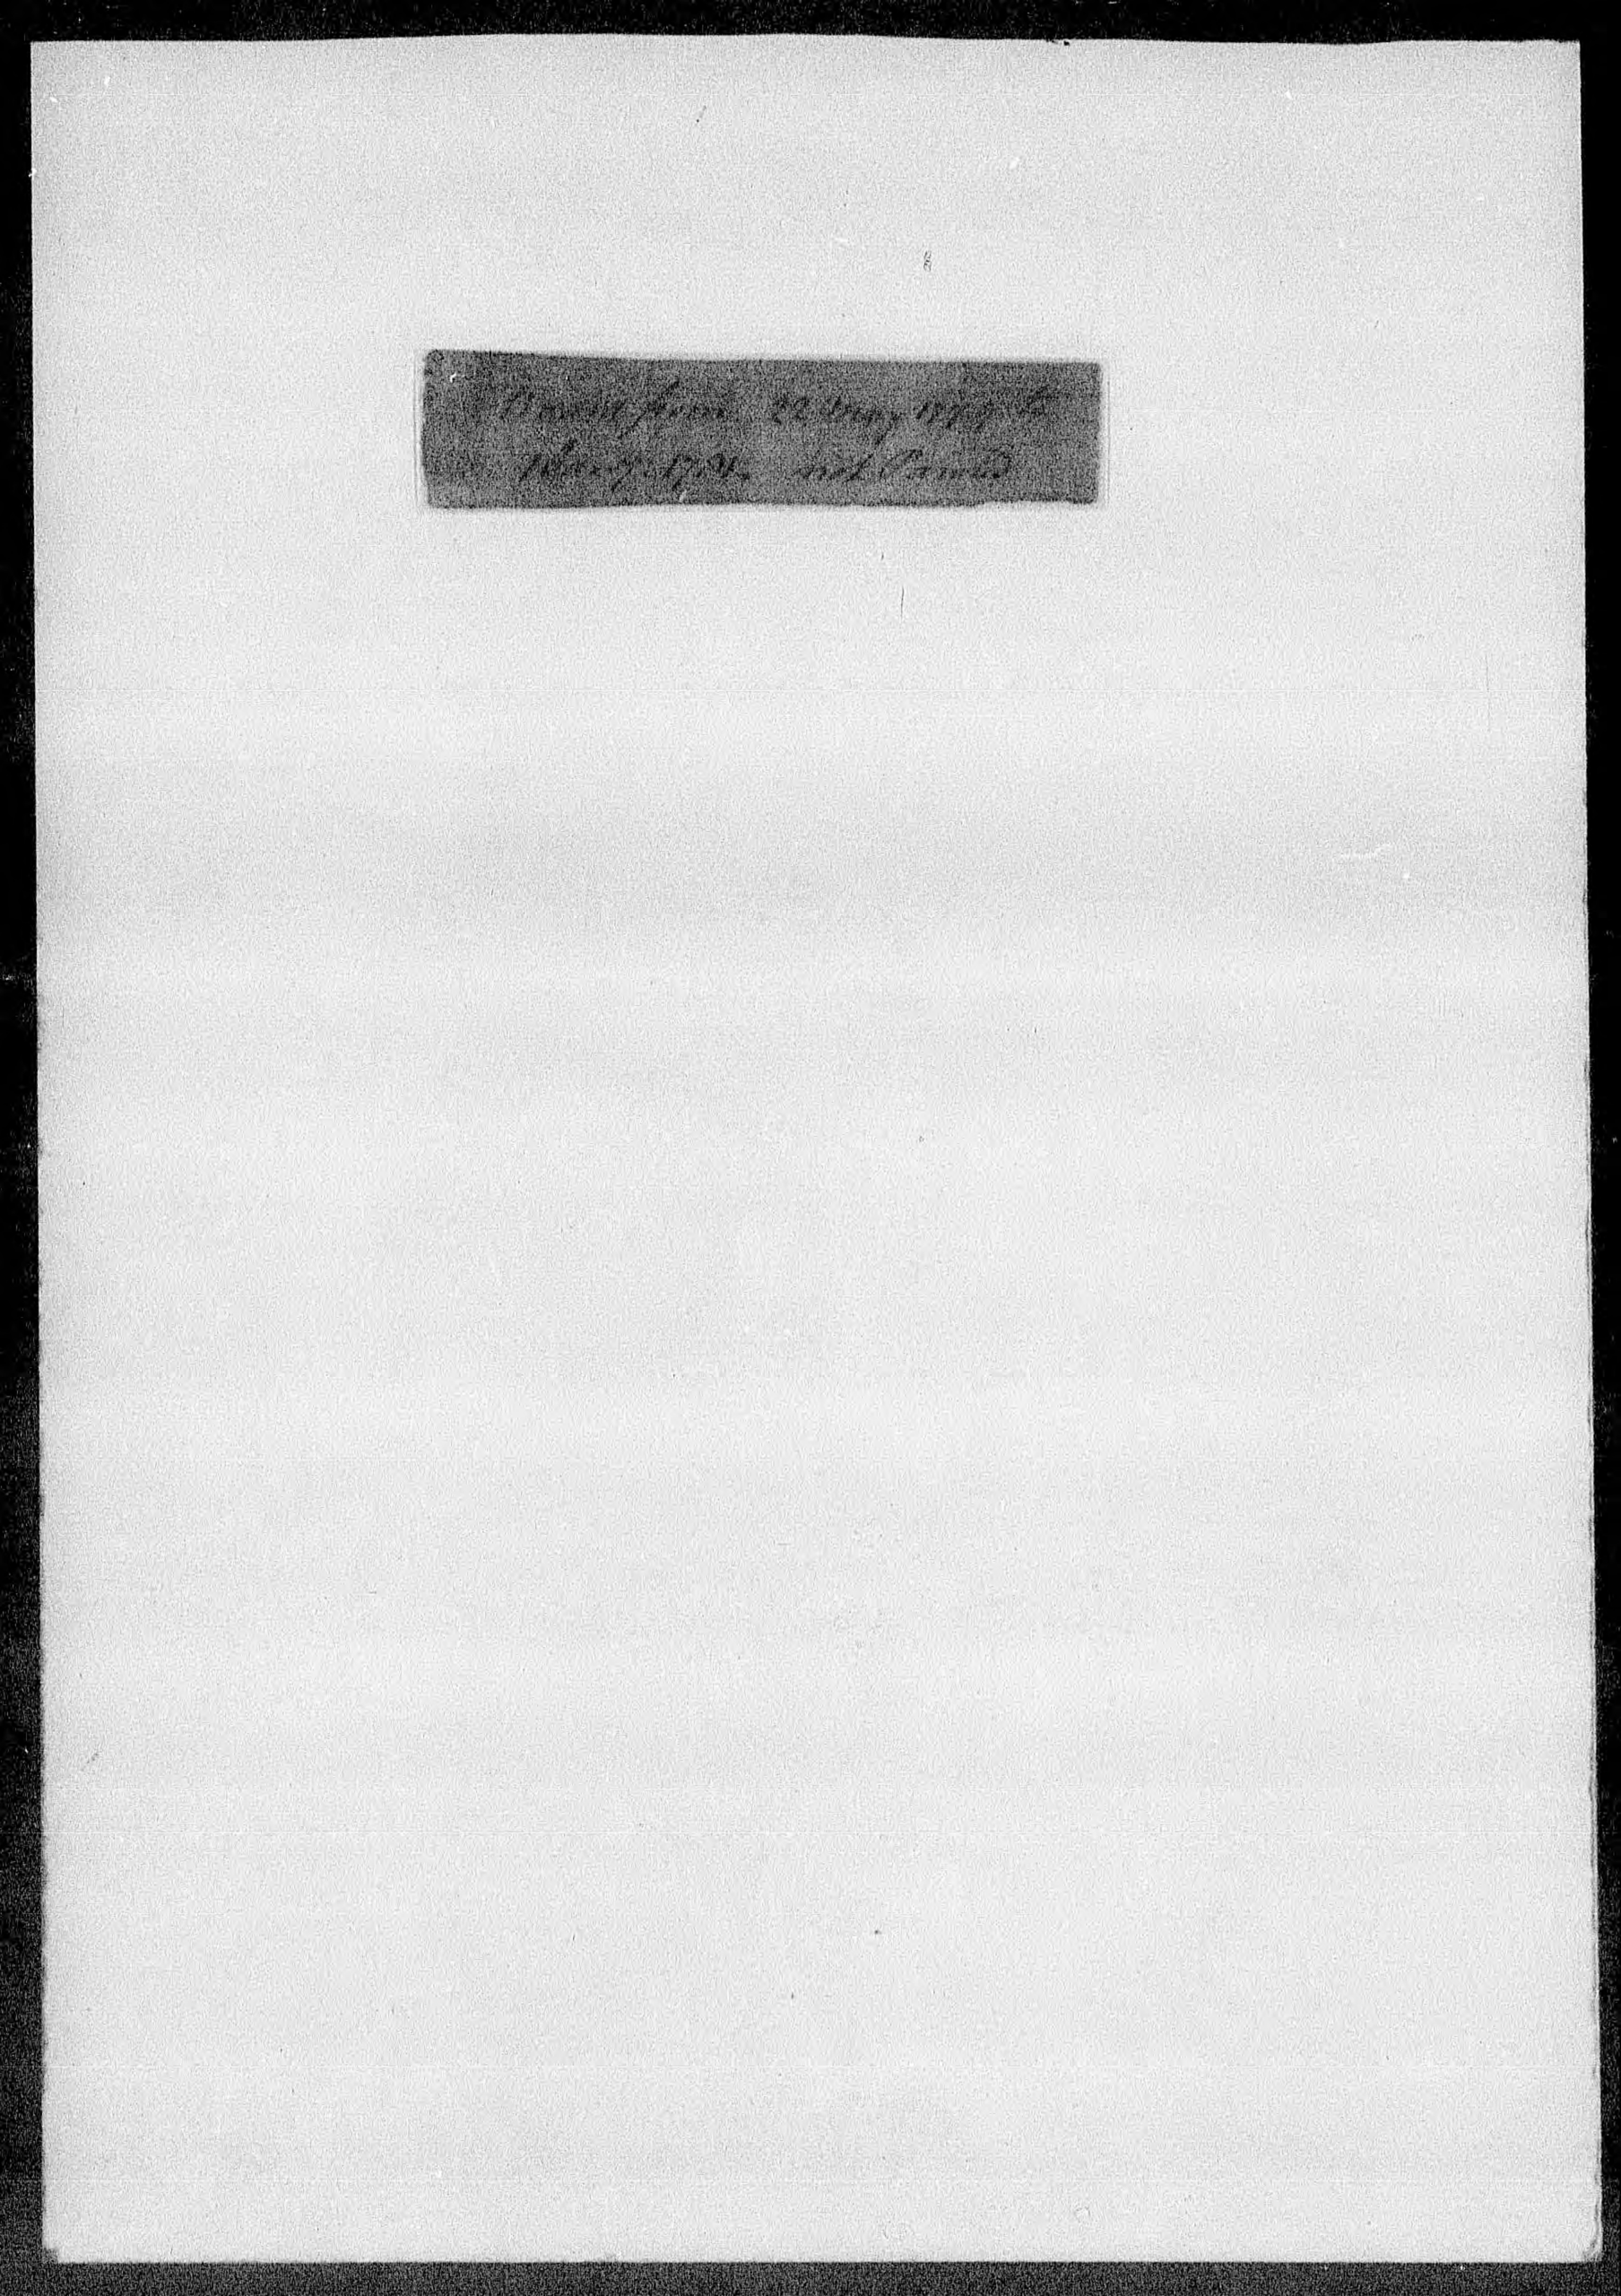[illegible] from 22 May 1779 to
1 Jany 1784[?] Not printed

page: 33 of 59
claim: widow's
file: W. 9383, Nathaniel Chew, Navy (Md.)